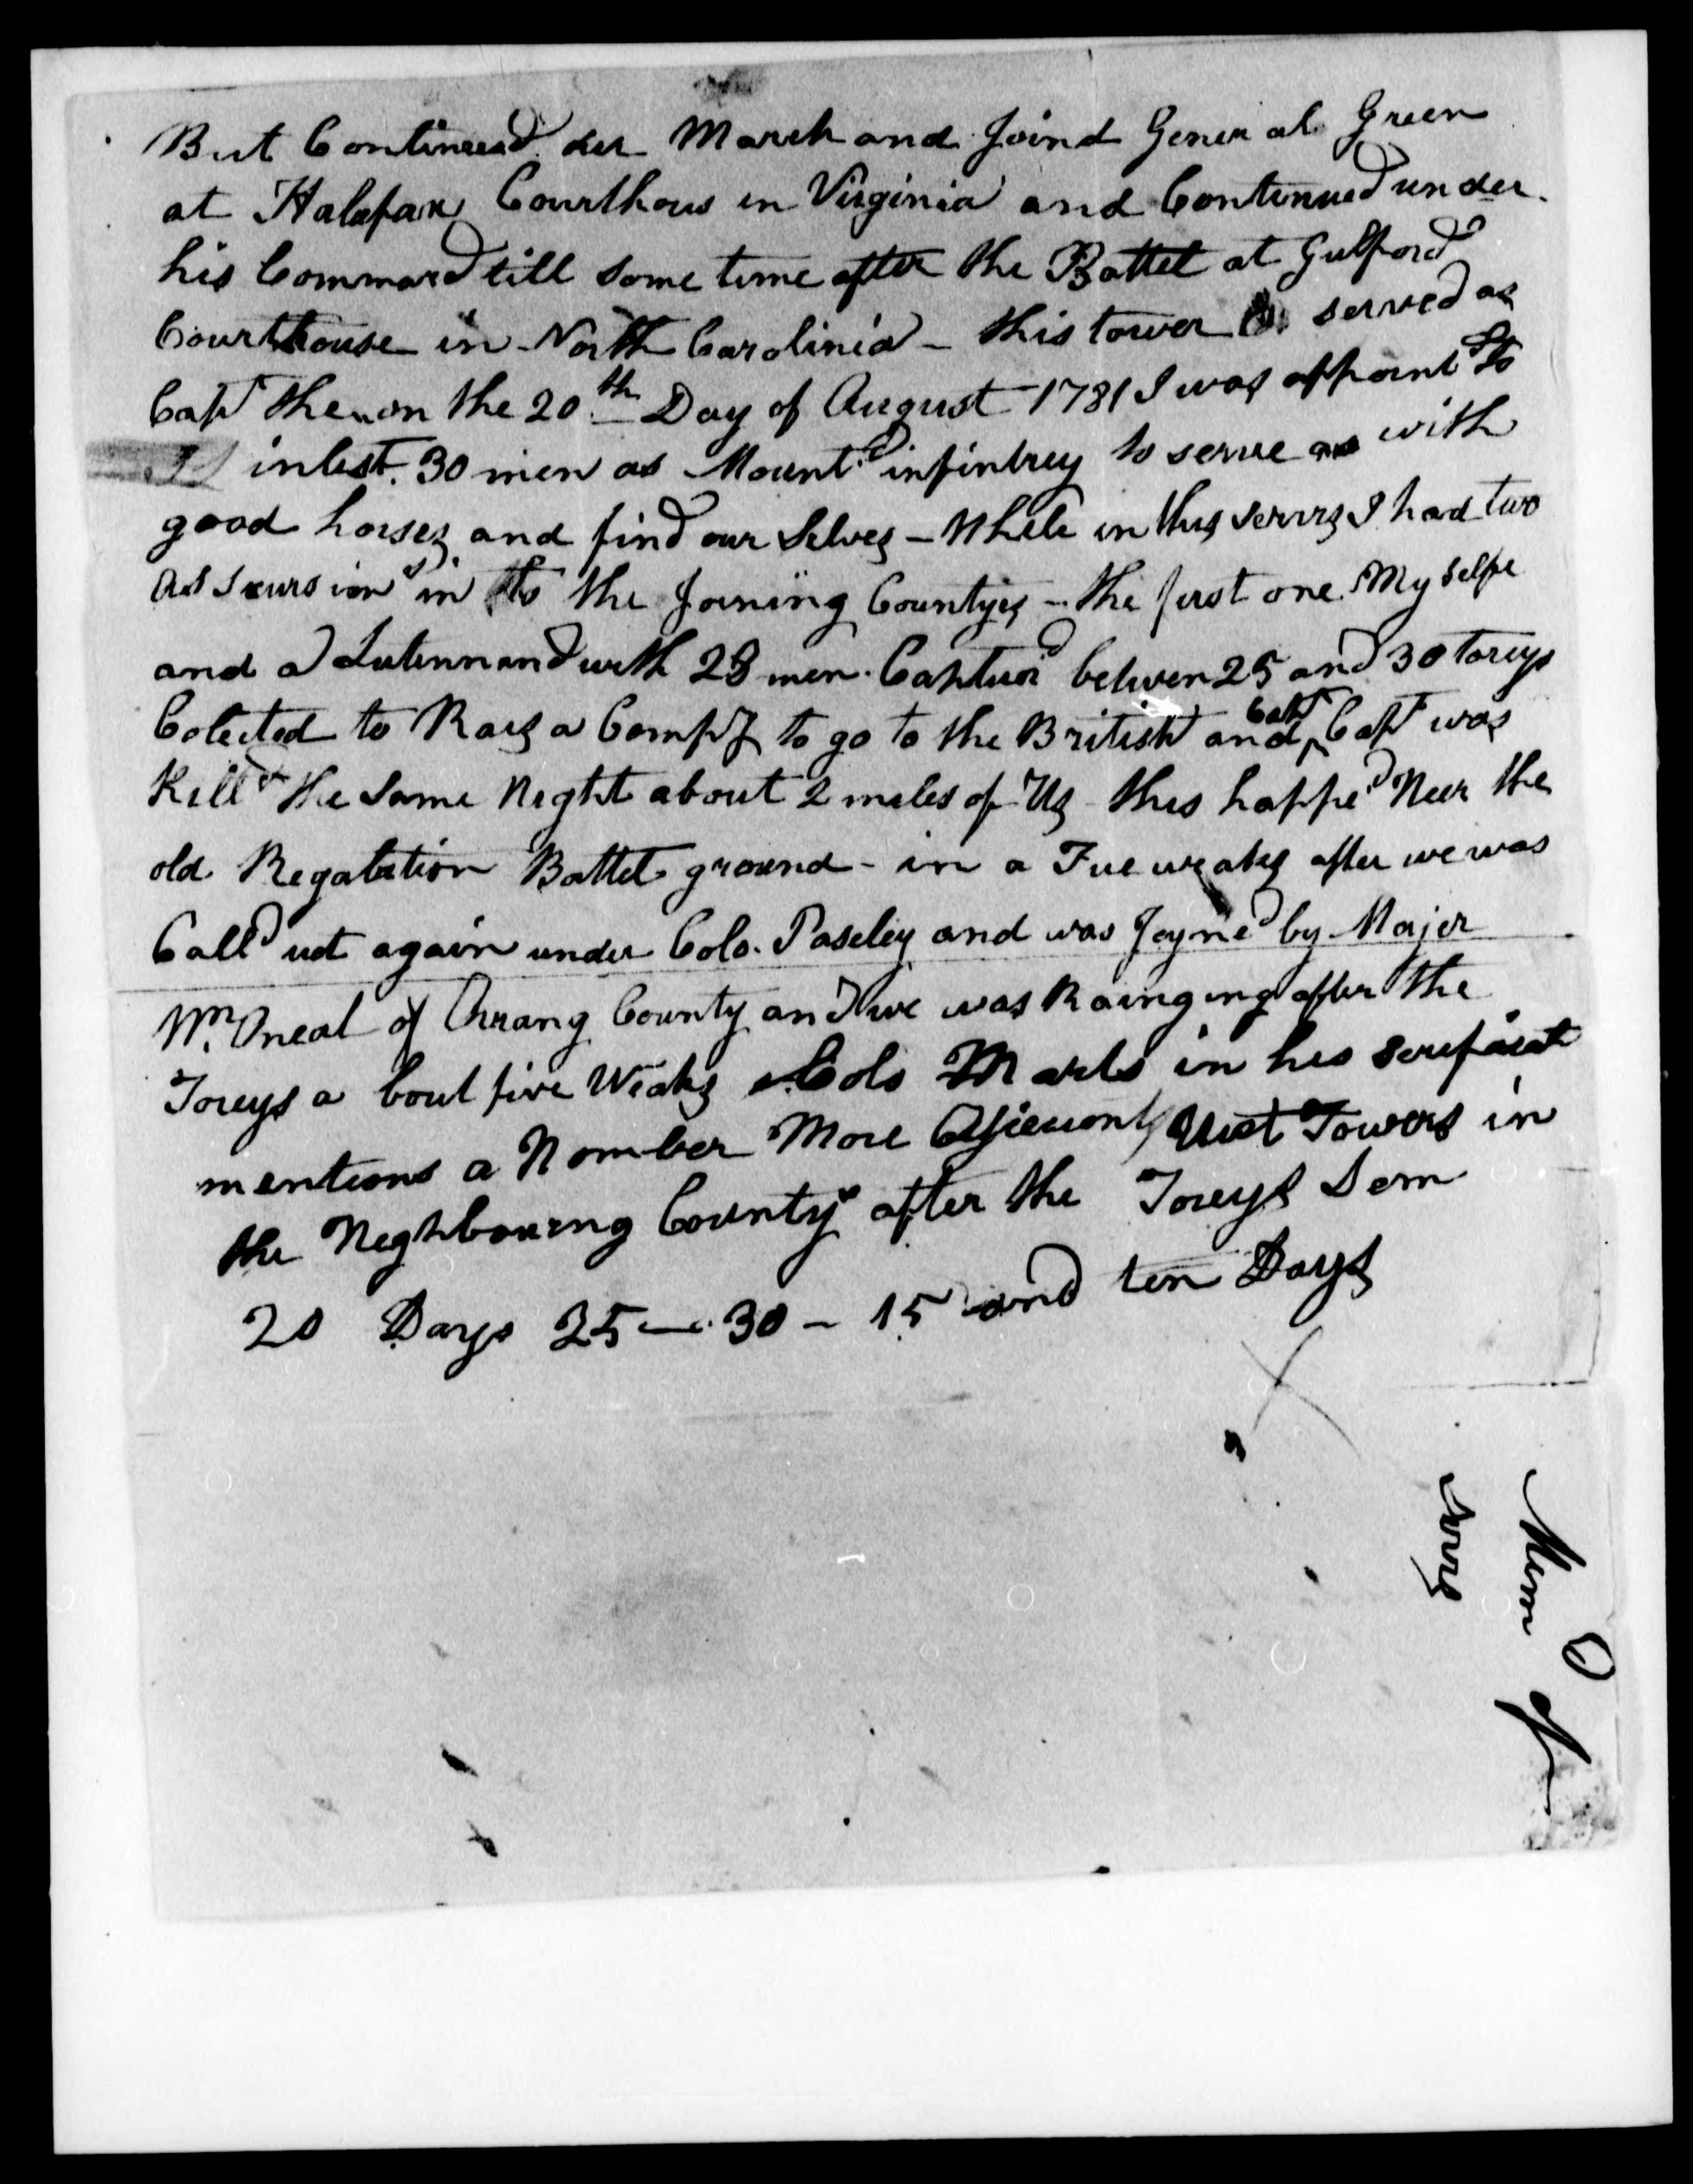But Contineeud our March and Joind General Green at Halafax Courthous in Virginia and Continued under his Command till some time after the Battel at Guilford Courthouse in North Carolinia _ this tower served as Capt then on the 20th _ day of August 1781 I was appointd to inlist 30 men as Mountd infintry to serve with good horses and find our Selves _ while in this serviz I had two assursions in the Joining Country if the first one my self and I Lutennand with 28 men Captur  between 25 and 30 Torys Colected to Raiz a Campy to go to the British and Capt was Killd the same night about 2 miles of Us – this happed neer the old Regalation Battel ground – in a few weakz after we was Calld out again under Colo. Paseley and was Joyned  by Major Wm. Oneal of Orang County and we was Rainging after the Toreys a bout five Weakz  Col. Marls in his serificat mentions a Nomber More Towors  in the neghbouring  County after the Toreys Sem 20 Days 25 – 30 – 15 and ten Days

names: Wm Oneal, Green, Paseley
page: 74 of 105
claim: survivor's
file: S. 1883, Richard Vernon, N.C.